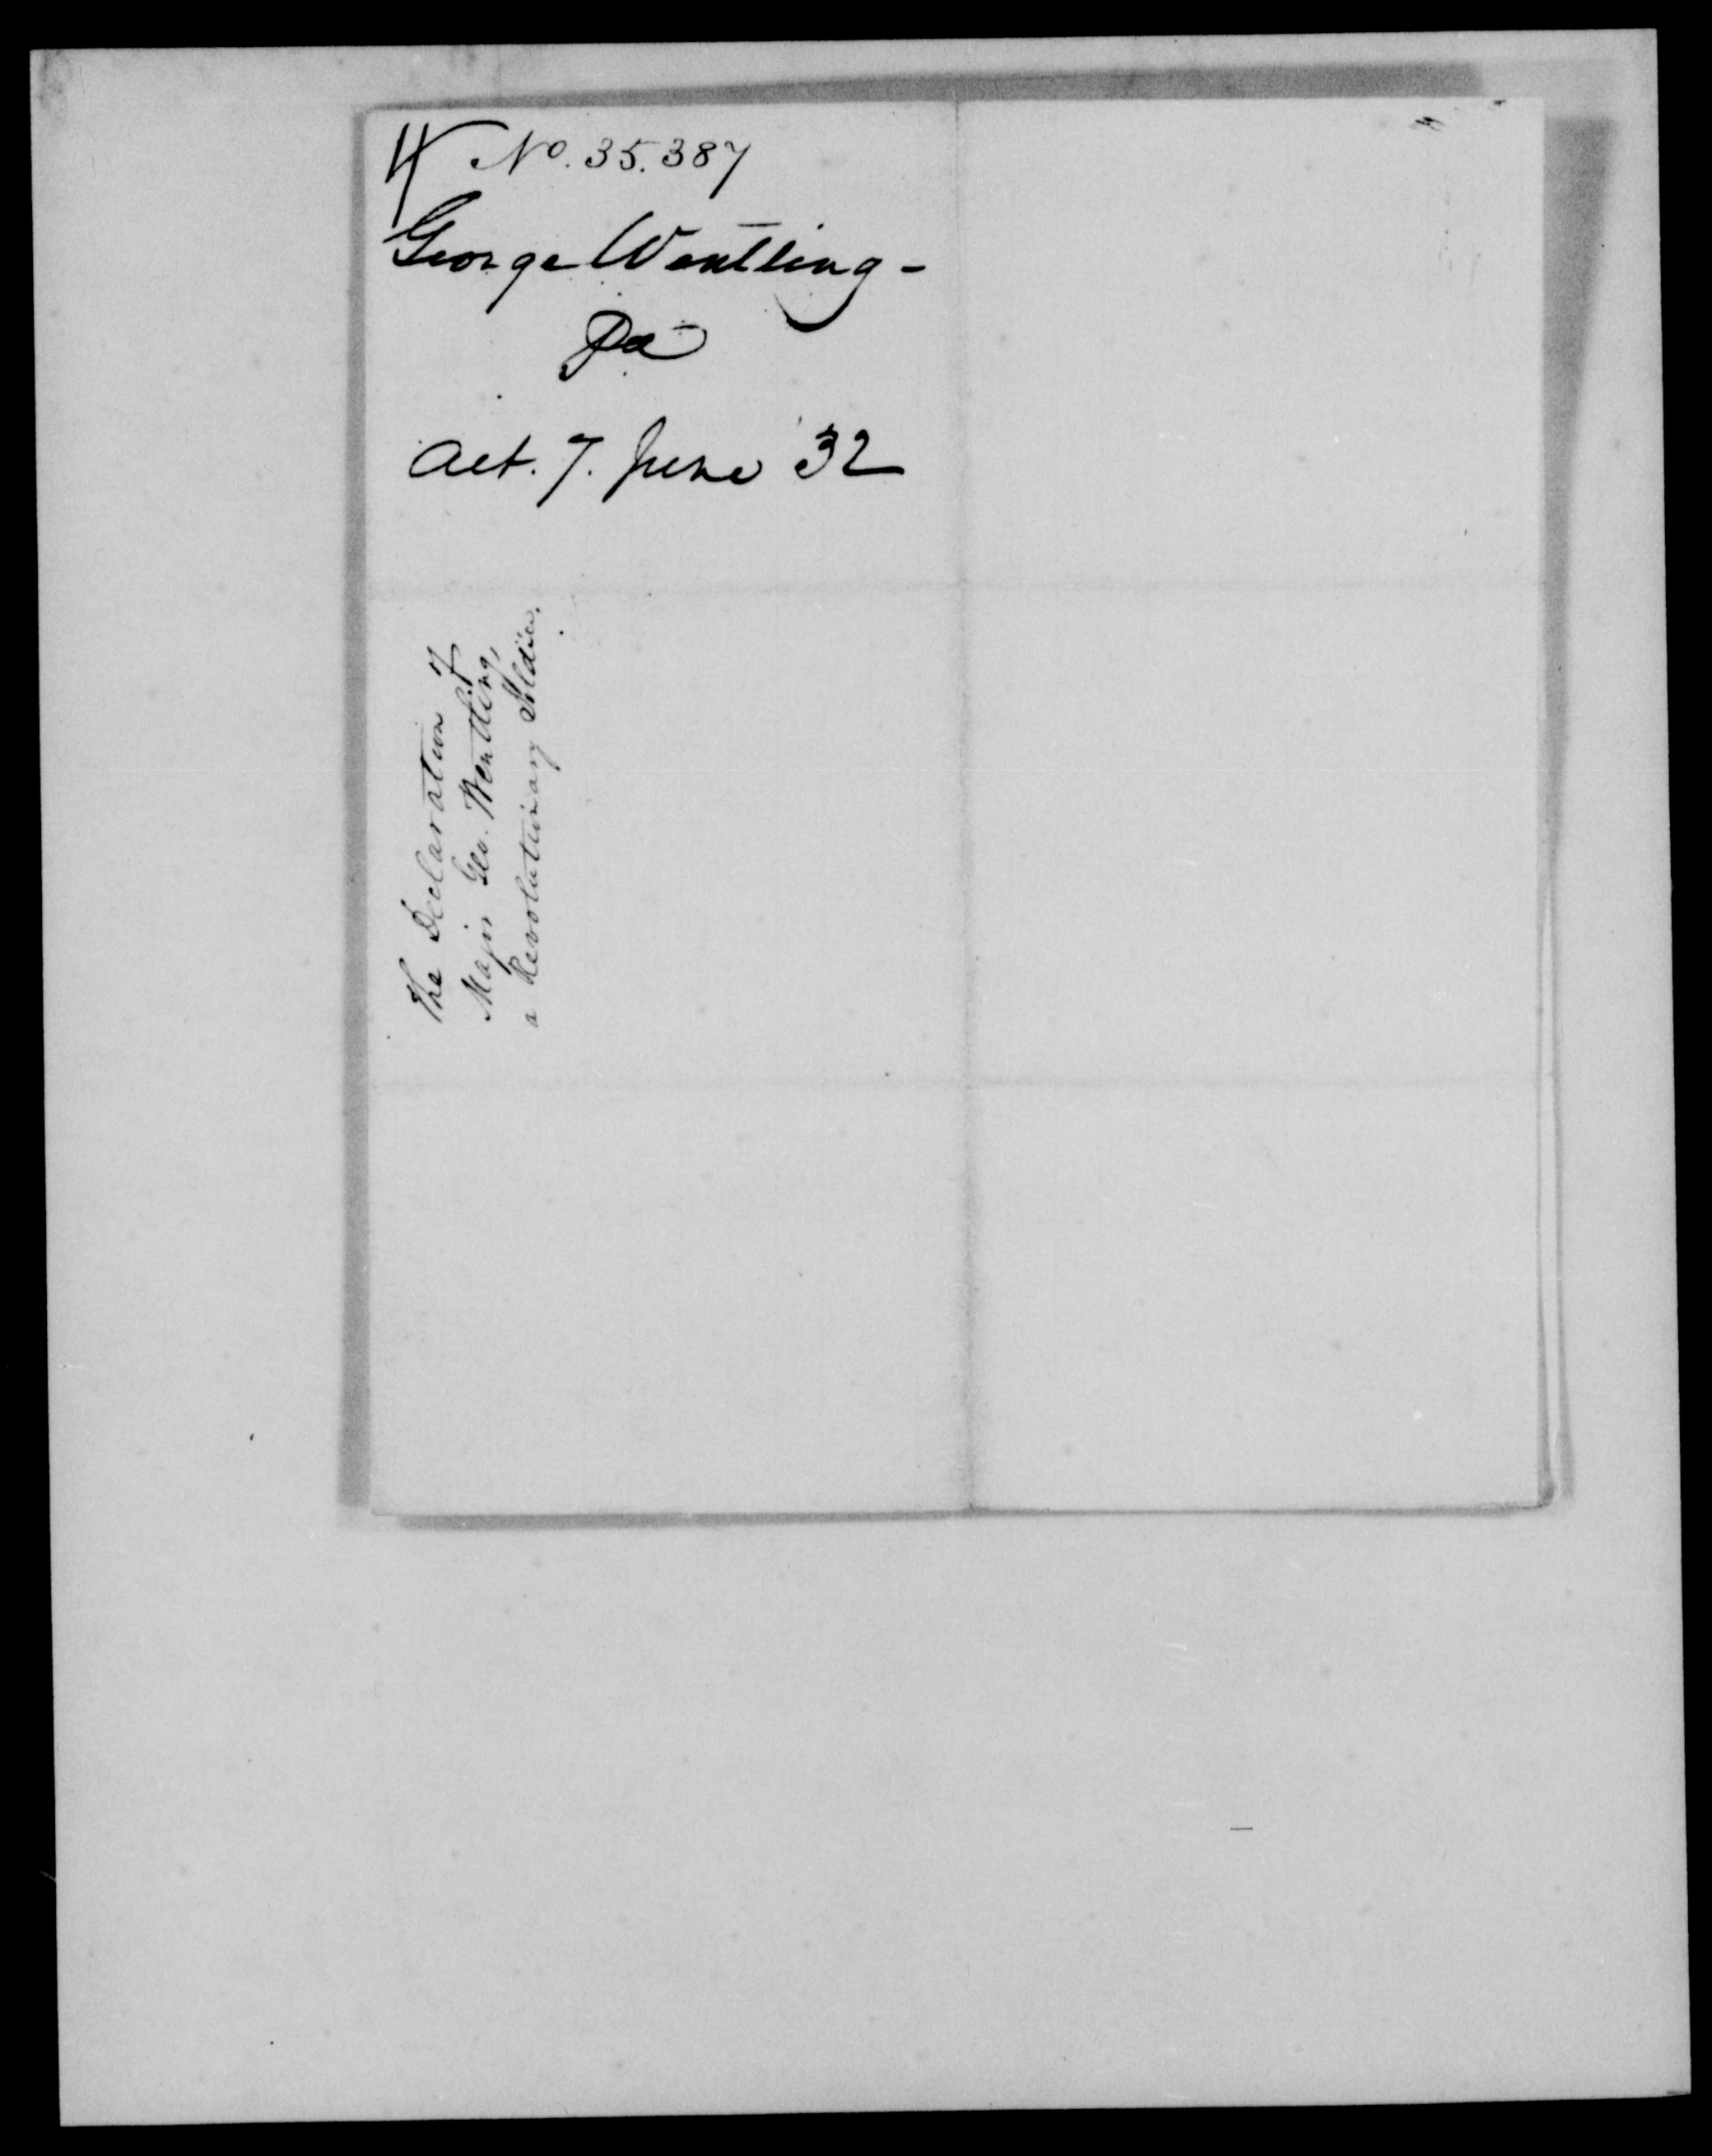4  No. 35.387
George Wentling-
Pa
Act. 7. June '32

The Declaration of Major Geo. Wentling a Revolutionary Soldier.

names: George Wentling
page: 3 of 68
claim: survivor's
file: S. 6,358, George Wentling, Penn.